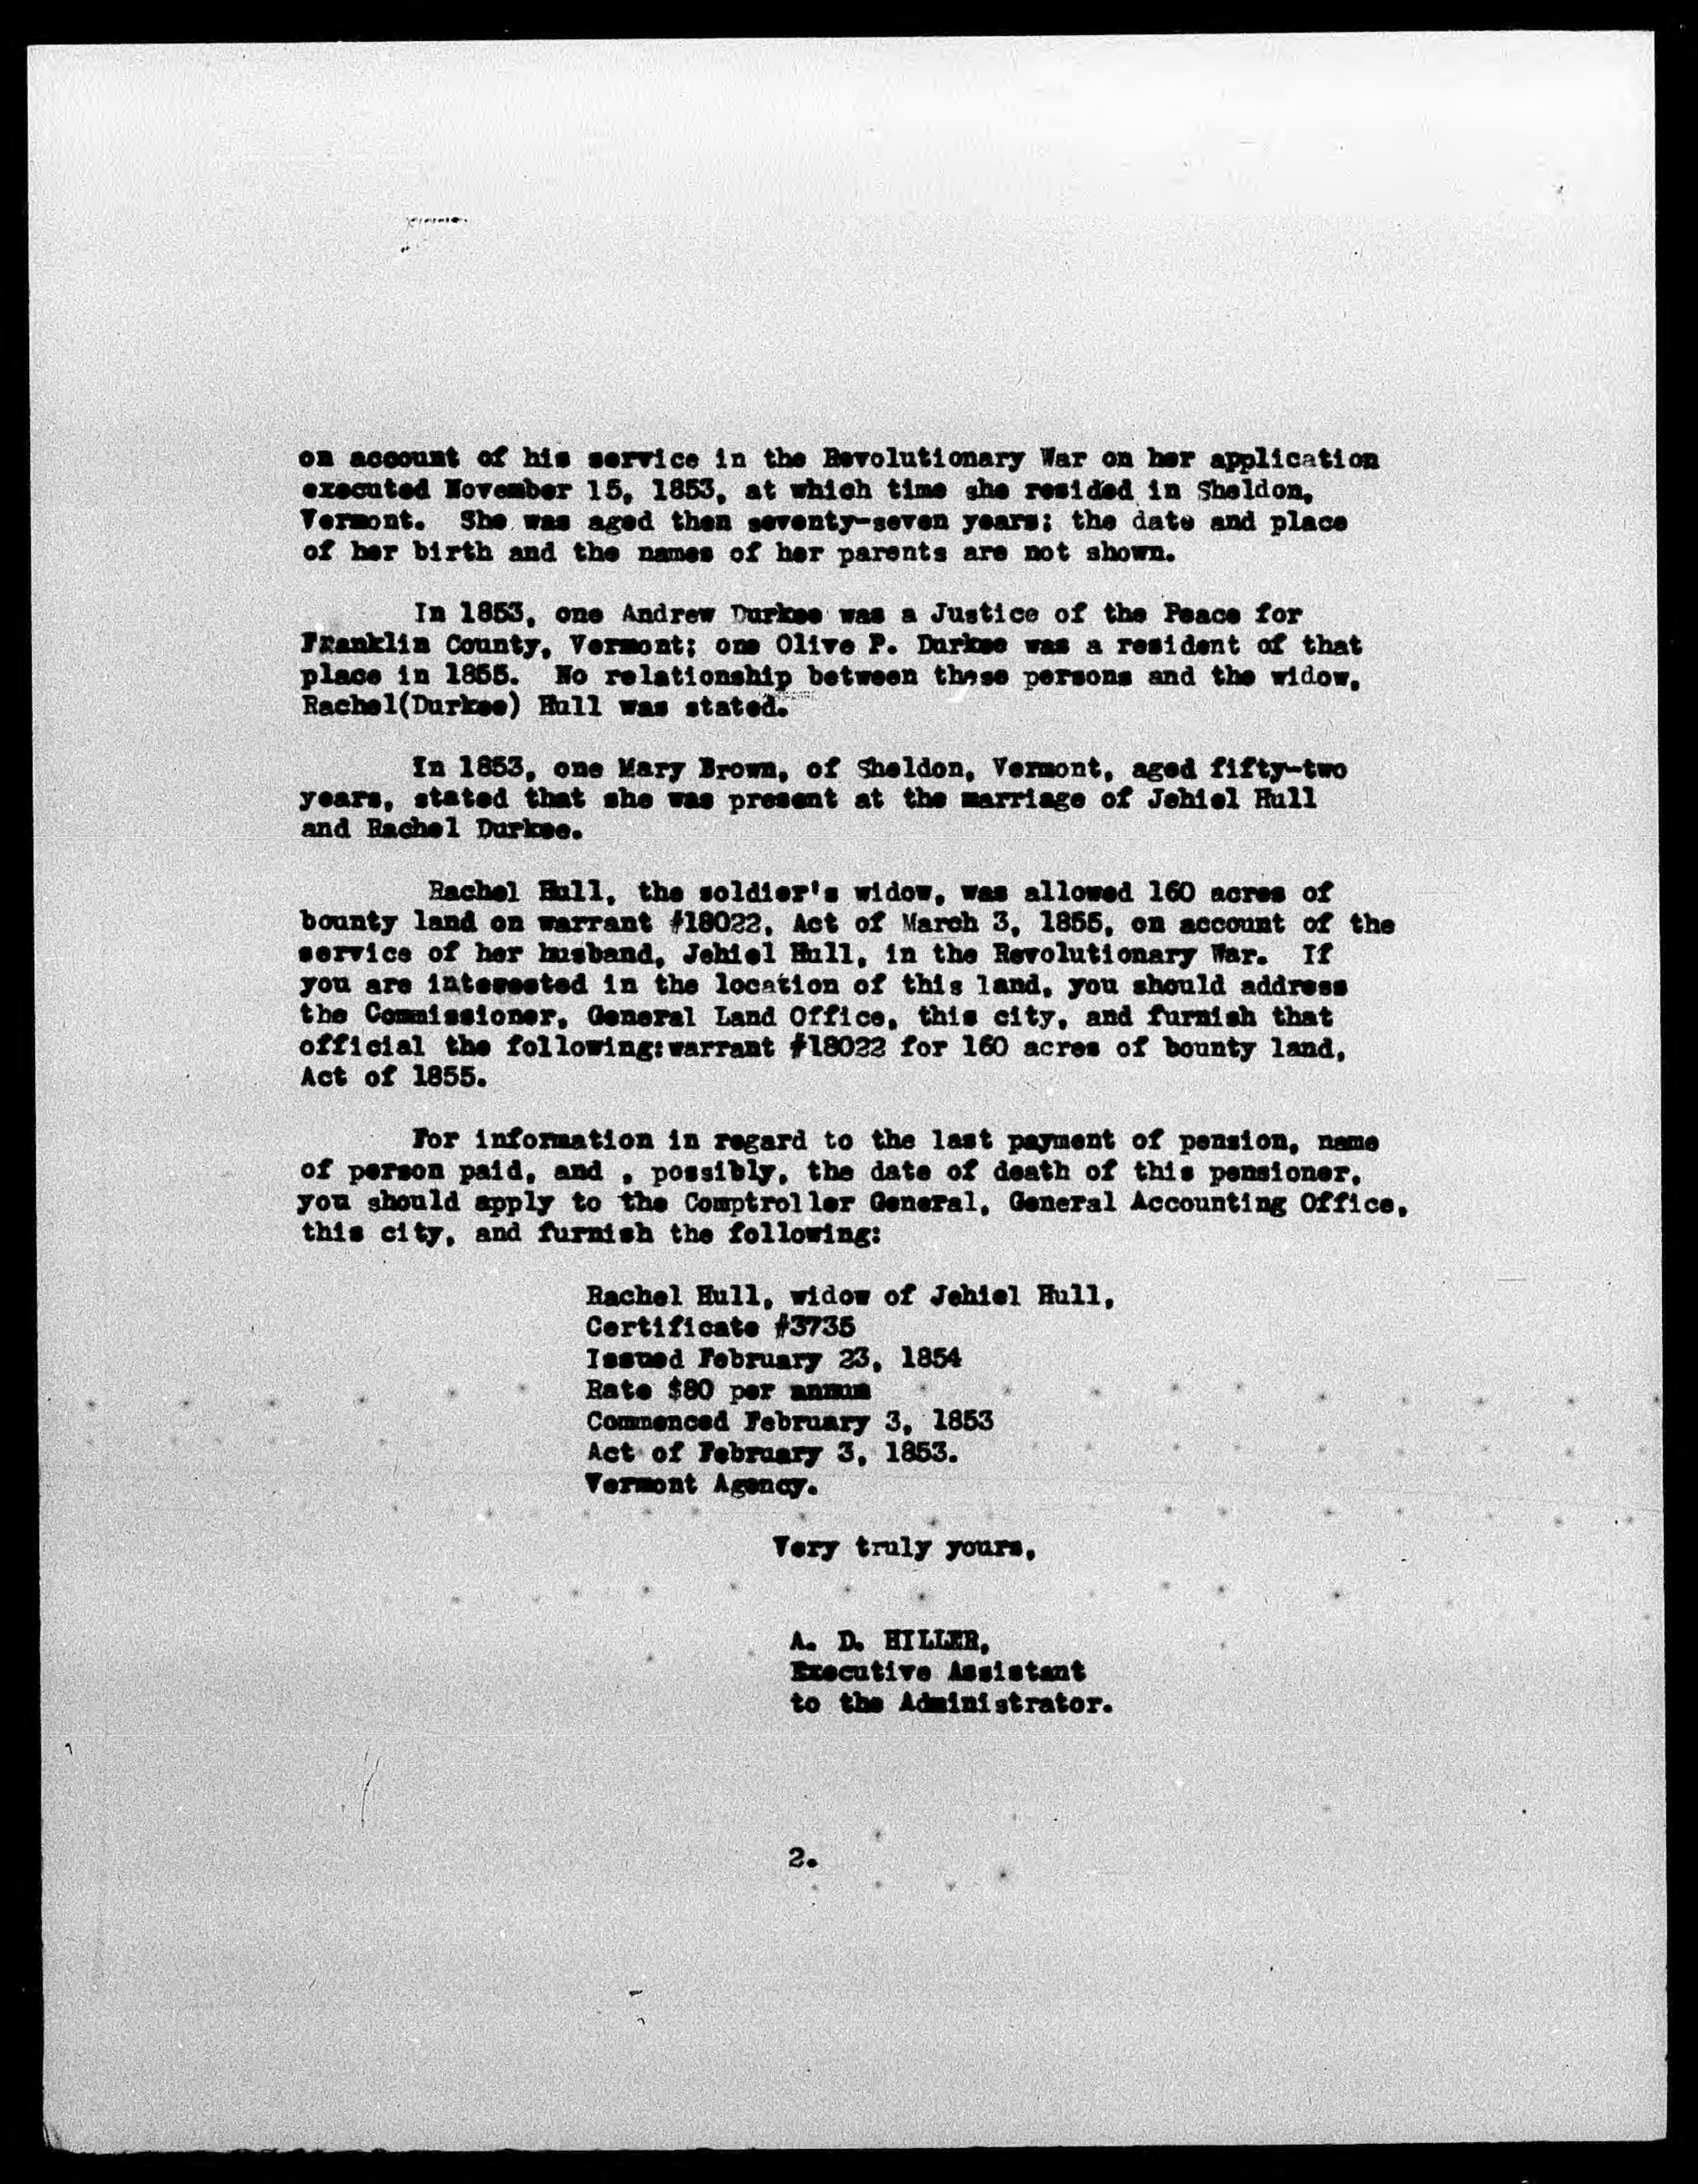on account of his service in the Revolutionary War on her application executed November 15, 1853, at which time she resided in Sheldon, Vermont.  She was aged then seventy-seven years; the date and place 
of her birth and the names of her parents are not shown.
In 1853, one Andrew Durkee was a Justice of the Peace for 
Franklin County, Vermont; one Olive P. Durkee was a resident of that place in 1855.  No relationship between these persons and the widow, Rachel(Durkee) Hull was stated.
In 1853, one Mary Brown, of Sheldon, Vermont, aged fifty-two 
years, stated that she was present at the marriage of Jehiel Hull 
and Rachel Durkee.
Rachel Hull, the soldier's widow, was allowed 160 acres of 
bounty land on warrant #18022, Act of March 3, 1855, on account of the service of her husband, Jehiel Hull, in the Revolutionary War.  If 
you are interested in the location of this land, you should address 
the Commissioner, General Land Office, this city, and furnish that 
official the following:warrant #18022 for 160 acres of bounty land, 
Act of  1855.
For information in regard to the last payment of pension, name 
of person paid, and , possibly, the date of death of this pensioner, 
you should apply to the Comptroller General, General Accounting Office, this city, and furnish the following:
Rachel Hull, widow of Jehiel Hull,
Certificate #3735
Issued February 23, 1854
Rate $80 per annum
Commenced February 3, 1853
Act of February 3, 1853.
Vermont Agency.
Very truly yours,
A. D. HILLER,
Executive Assistant
to the Administrator.
2.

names: Jehiel Hull, Olive P Durkee, Rachel Durkee, Rachel Hull, Mary Brown, Andrew Durkee, A D Hiller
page: 22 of 58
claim: widow's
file: W. 25813, Jehiel Hull, Conn.